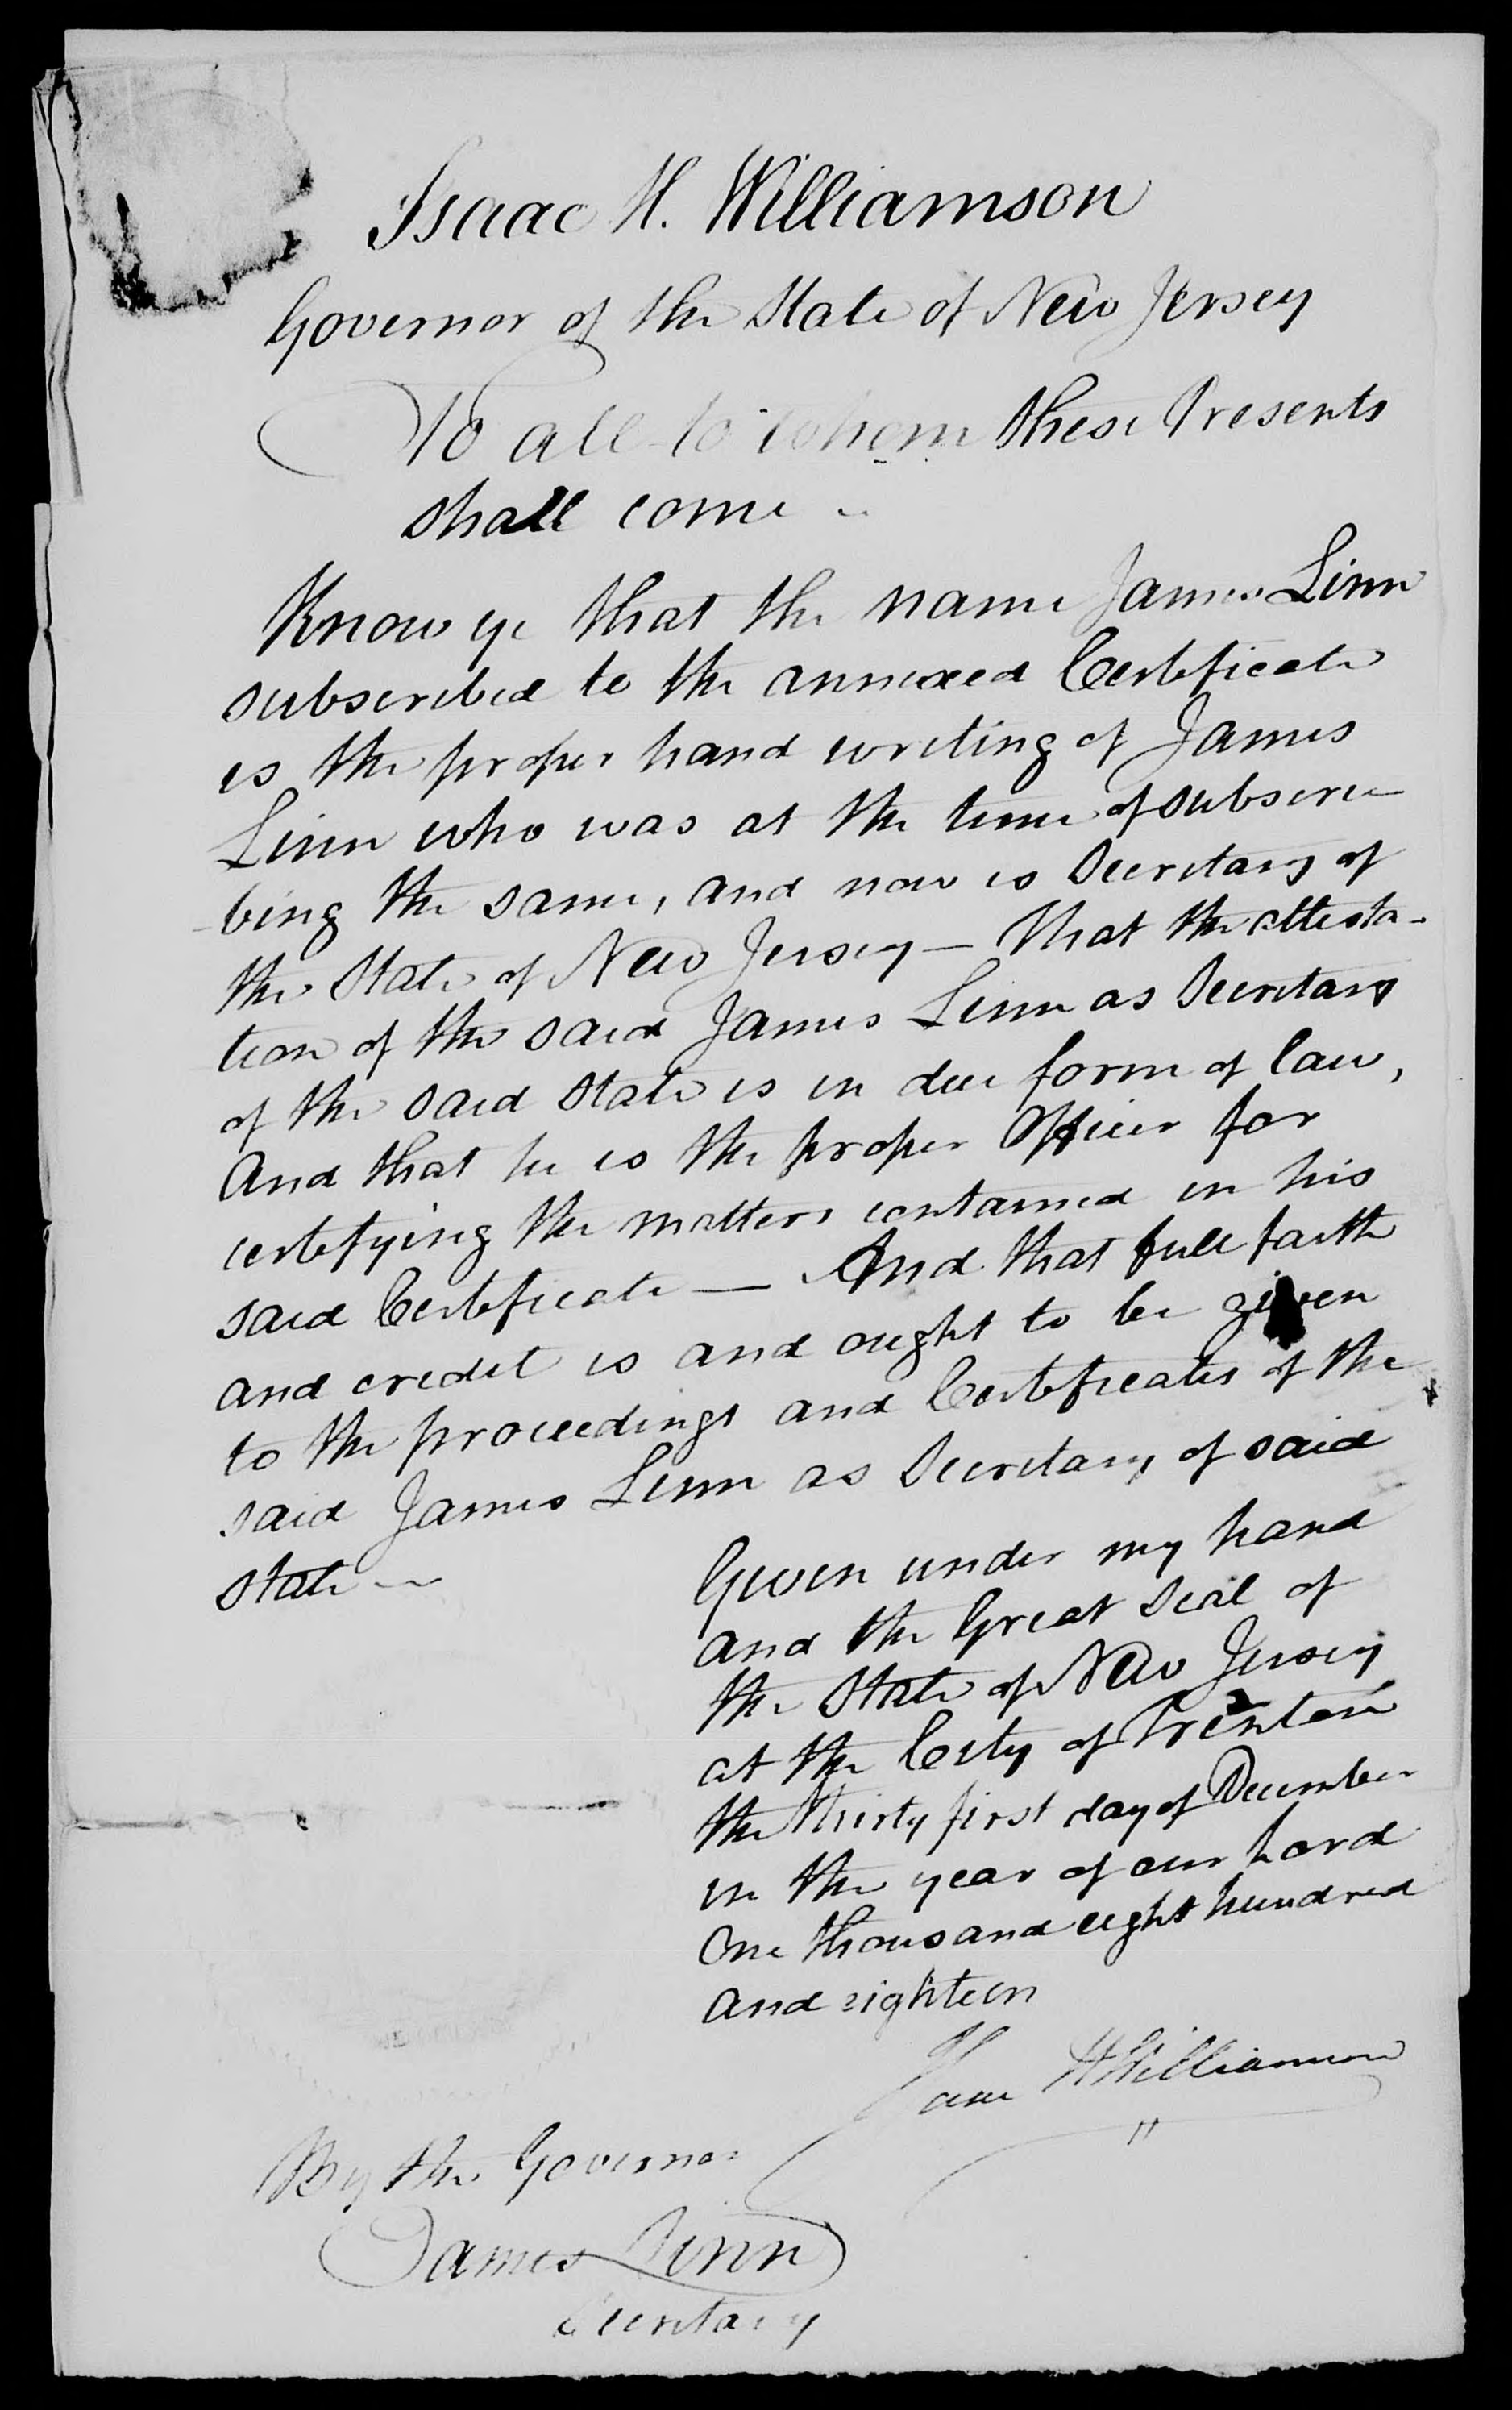Isaac H Williamson
Governor of the State of New Jersey
To all to whom these Presents
shall come
Know ye that the name James Linn
subscribed to the annexed Certificate
is the proper hand writing of James
Linn who was at the time of subscribing
the same, and now is Secretary of
the State of New Jersey.  That the attestation
of the said James Linn as Secretary
of the said state is in due form of law,
And that he is the proper Officer for
certifying the matters contained in his
said Certificate.  And that full faith
and credit is and ought to be given
to the proceedings and Certificates of the
said James Linn as Secretary of said
State.
Given under my hand
and the Great Seal of
the State of New Jersey
at the City of Trenton
the thirty first day of December
in the year of our lord
one thousand eight hundred
and eighteen
[illegible] H Williamson
By the Governor
James Linn
Secretary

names: Isaac H Williamson, James Linn, James Linn, Hans H Williamson, James Linn, James Linn, James Linn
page: 22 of 29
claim: widow's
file: W. 2,789, George Hartman, New Jersey